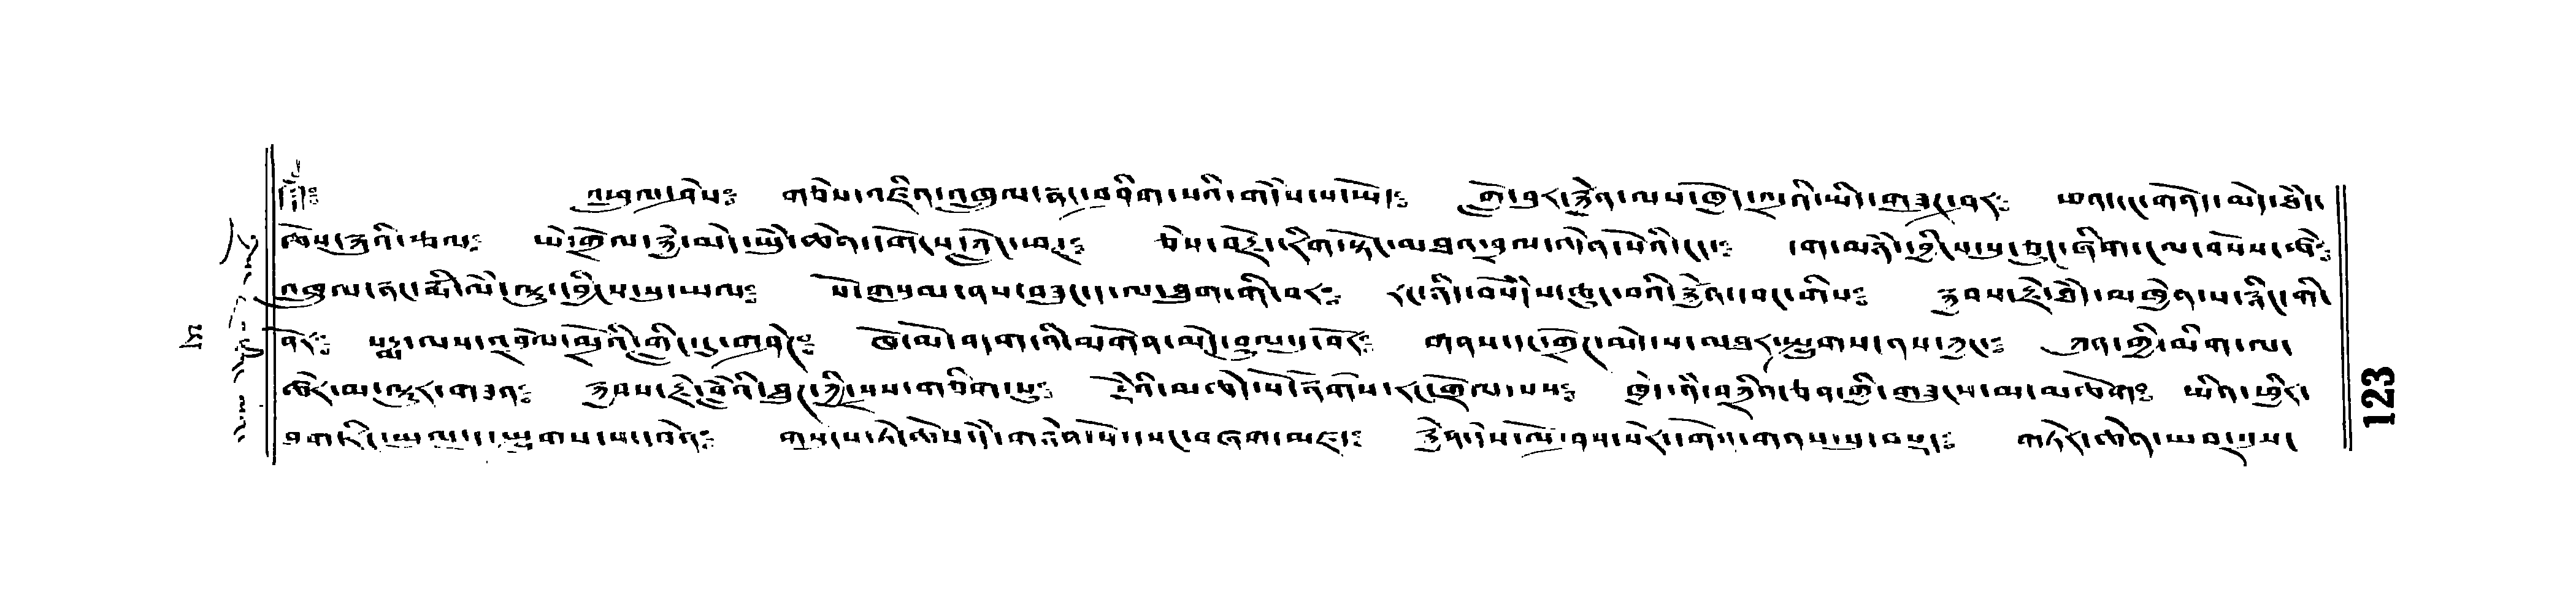འཕྲུལ་ཤེས༔ གཅེས་འཛིན་འཁྲུལ་སྣང་བཤིག་པའི་གདམས་པ་ཡོད༔ གློ་བུར་རྐྱེན་ལས་ཁྱོད་འདྲའི་ཡིད་གཟུགས་ཤར༔ ཕན་དང་གནོད་མེད་ཐམས་ཅད་
ཆོས་སྐུའི་རྩལ༔ ཡེ་གྲོལ་སྐྱེ་མེད་ཡུམ་ཆེན་དགོངས་ཀློང་ཕཊཿ ཅེས་བརྗོད་རིག་སྟོང་མཐའ་བྲལ་ཆེན་པོའི་ངང༔ དག་མཉམ་དབྱིངས་སུ་ཅུང་ཞིག་ངལ་བསོས་ཚེ༔ 
འཁྲུལ་སྣང་རྨི་ལམ་ལྟ་བུ་དབྱིངས་སུ་ཡལ༔ སོ་གསུམ་ནས་བཟུང་ད་ལ་ཐུག་གི་བར༔ རང་ཉིད་བསོད་ནམས་ཆུང་བའི་རྐྱེན་དབང་གིས༔ སྐྱབས་རྗེ་ཐམས་ཅད་མཁྱེན་པ་སྙིང་གི་
ནོར༔ པདྨ་ལས་འབྲེལ་མཁའ་འགྲོའི་གླིང་དུ་གཤེགས༔ ཁོ་མོ་བདག་ནི་མགོན་མེད་ཤུལ་དུ་བོར༔ གནས་དང་གྲོགས་མེད་ས་མཐར་སྤྱུགས་ནས་ཀྱང༔ ཀུན་གྱི་མིག་ལ་
ཚེར་མ་ལྟ་བུར་གཟན༔ སྐྱབས་རྗེ་བླ་མའི་ཐུགས་ཀྱི་སྲས་གཅིག་པུ༔ རྡོ་རྗེའི་མཆེད་པོ་སྣ་ཚོགས་རང་གྲོལ་པས༔ ཁྱེད་ནི་བཀའ་དྲིན་ཅན་གྱི་གཟུངས་མ་མཆོག༔ ཡིན་ཕྱིར་
ཐག་རིང་ཡུལ་དུ་སྤྱུགས་རེ་ཀན༔ གསུངས་ཏེ་ཆོས་དམ་གཉེན་པོ་དཔང་བཞག་མཛད༔ རྐྱེན་དེས་ལོ་ཤགས་སེར་དགོན་གནས་སུ་བསྡད༔ གཏེར་ཆེན་ཡབ་སྲས་